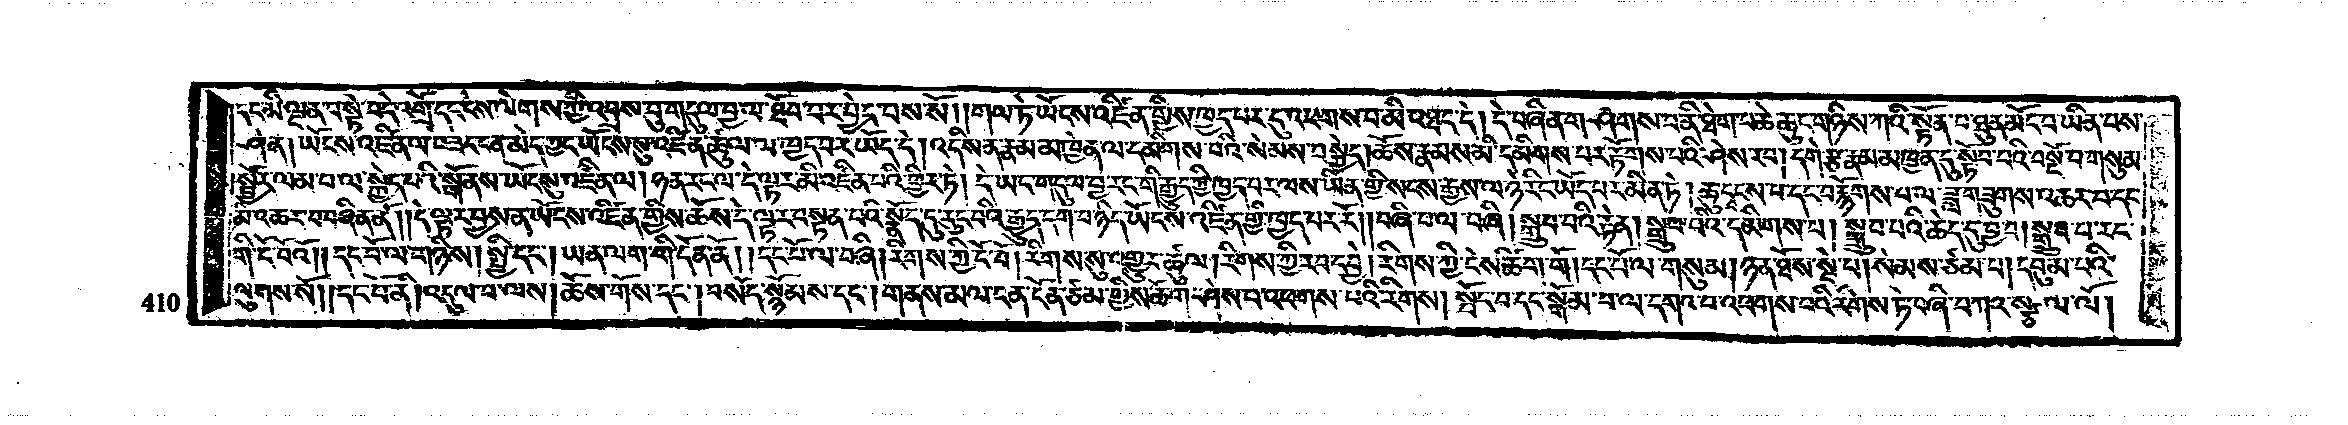དང་མི་ལྡན་པ་སྟེ་བདེ་འགྲོ་དང་ངེས་ལེགས་ཀྱི་འབྲས་བུ་གདུལ་བྱ་ལ་ཐོབ་པར་བྱེད་པས་སོ། །གལ་ཏེ་ཡོངས་འཛིན་གྱིས་ཁྱད་པར་དུ་འཕགས་པ་མི་འཐད་དེ། དེ་བཞིན་གཤེགས་པ་ནི་ཐེག་པ་ཆེ་ཆུང་གཉིས་ཀའི་སྟོན་པ་ཐུན་མོང་བ་ཡིན་པས་
ཤེ་ན། ཡོངས་འཛིན་ལ་བཟང་ངན་མེད་ཀྱང་ཡོངས་སུ་འཛིན་ཚུལ་ལ་ཁྱད་པར་ཡོད་དེ། འདིས་ན་རྣམ་མཁྱེན་ལ་དམིགས་པའི་སེམས་བསྐྱེད། ཆོས་རྣམས་མི་དམིགས་པར་རྟོགས་པའི་ཤེས་རབ། དགེ་རྩ་རྣམ་མཁྱེན་དུ་སྟོབ་པའི་བསྔོ་བ་གསུམ་
སྦྱོར་ལམ་པ་ལ་སྐྱེད་པའི་སྒོ་ནས་ཡོངས་སུ་འཛིན་ལ། ཉན་རང་ལ་དེ་ལྟར་མི་འཛིན་པའི་ཕྱིར་ཏེ། དེ་ཡང་གདུལ་བྱ་རང་གི་རྒྱུད་ཀྱི་ཁྱད་པར་ལས་ཡིན་གྱི་སངས་རྒྱས་ལ་ཉེ་རིང་ཡོད་པར་མིན་ཏེ། ཆུ་དྭངས་པ་དང་བརྙོགས་པ་ལ་ཟླ་གཟུགས་འཆར་བ་དང་
མི་འཆར་བ་བཞིན་ནོ། །དེ་ལྟར་བྱས་ན་ཡོངས་འཛིན་གྱིས་ཆོས་དེ་ལྟར་བསྟན་པའི་སྣོད་དུ་རུང་བའི་རྒྱུད་དག་པ་ཉིད་ཡོངས་འཛིན་གྱི་ཁྱད་པར་རོ། །བཞི་པ་ལ་བཞི། སྒྲུབ་པའི་རྟེན། སྒྲུབ་པའི་དམིགས་པ། སྒྲུབ་པའི་ཆེད་དུ་བྱ་བ། སྒྲུབ་པ་རང་
གི་ངོ་བོའོ། །དང་པོ་ལ་གཉིས། སྤྱི་དང་། ཡན་ལག་གི་དོན་ནོ། །དང་པོ་ལ་བཞི། རིགས་ཀྱི་ངོ་བོ། རིགས་སུ་འགྱུར་ཚུལ། རིགས་ཀྱི་རབ་དབྱེ། རིགས་ཀྱི་ངེས་ཚིག་གོ །དང་པོ་ལ་གསུམ། ཉན་ཐོས་སྡེ་པ། སེམས་ཙམ་པ། དབུ་མ་པའི་
ལུགས་སོ། །དང་པོ་ནི། འདུལ་བ་ལས། ཆོས་གོས་དང་། བསོད་སྙོམས་དང་། གནས་མལ་ངན་ངོན་ཙམ་གྱིས་ཆོག་ཤེས་པ་འཕགས་པའི་རིགས། སྤོང་བ་དང་སྒོམ་པ་ལ་དགའ་བ་འཕགས་པའི་རིགས་ཏེ་བཞི་བཀའ་སྩལ་ལ།